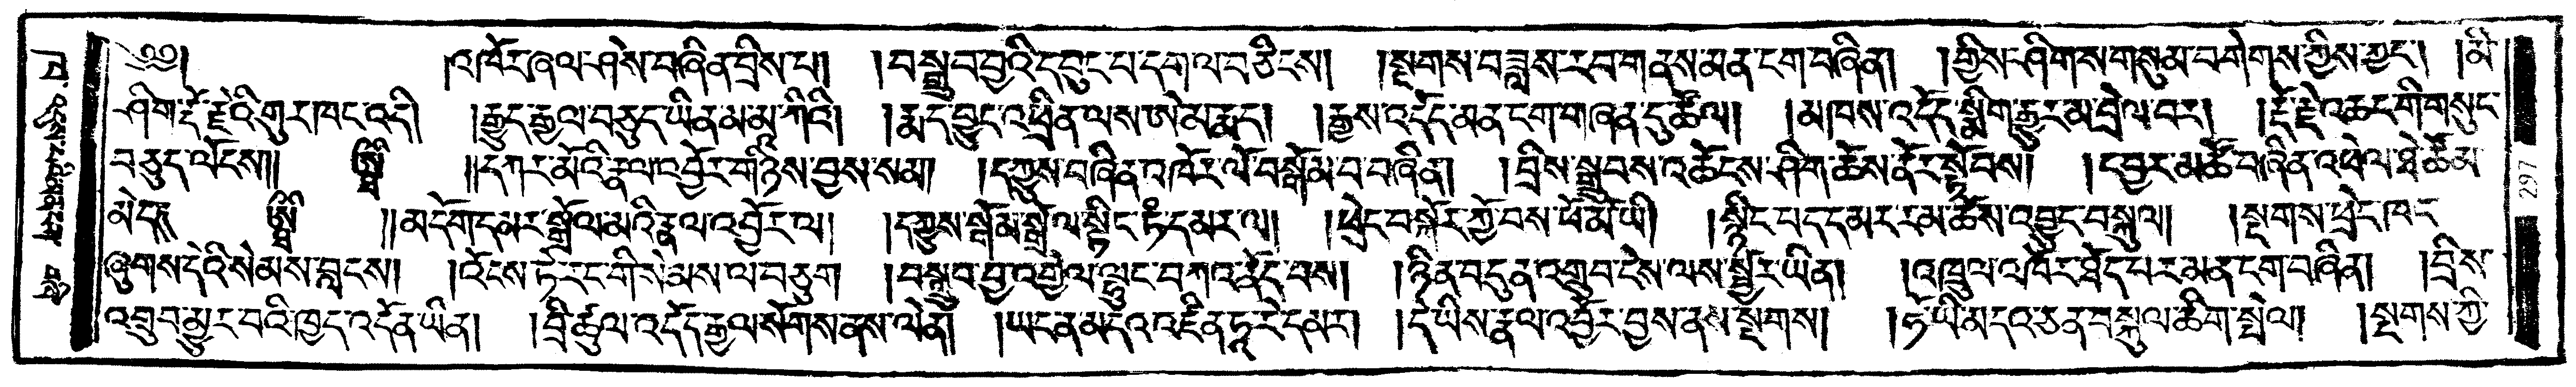༄༅། །འཁོར་ཞལ་ཤེས་བཞིན་བྲིས་པ། །བསྒྲུབ་བྱའི་དབུང་བ་དག་ལ་བཅིངས། །སྔགས་བཟླས་རབ་གནས་མན་ངག་བཞིན། །གྱིས་ཤིགས་གསུམ་བགེགས་ཀྱིས་ཀྱང་། །མི་
ཤིག་རྡོ་རྗེའི་གུར་ཁང་འདི། །རྒྱུད་རྒྱལ་བཅུད་ཡིན་མ་མཱ་ཀིའི། །རྨད་བྱུང་འཕྲིན་ལས་ཨེ་མ་རྨད། །རྒྱས་འདོད་མན་ངག་གཞན་དུ་ཚོལ། །མཁས་འདོད་སྨིག་རྒྱུར་མ་བྲེལ་བར། །རྡོ་རྗེ་འཆང་གི་གསུང་
བཅུད་ལོངས།། ཨྀཐི་།།དཀར་མོའི་རྣལ་འབྱོར་གཉིས་བྱས་སམ། །དཀྱུས་བཞིན་འཁོར་ལོ་བསྒོམ་བ་བཞིན། །བྲིས་སྒྲུབས་འཆོངས་ཤིག་ཆོས་ནོར་སྟོབས། །དབྱར་མཚོ་བཞིན་འཕེལ་ཐེ་ཚོམ་
མེད༑༑ ཨྀཐི་།།མདོག་དམར་སྒྲོལ་མའི་རྣལ་འབྱོར་ལ། །དཀྱུས་སྒོམ་སྒྲོལ་སྟིང་ཏཾ་དམར་ལ། །ཕྲེང་བསྐོར་ཀྱོ་བས་ཕོ་མོ་ཡི། །སྙིང་པད་དམར་རམ་ཆོས་འབྱུང་བསྐུལ། །སྔགས་ཕྲེང་ཁང་
ཞུགས་དེའི་སེམས་བླངས། །འོངས་ཏེ་རང་གི་སེམས་ལ་བཅུག །བསྒྲུབ་བྱ་འགྱེལ་ལྷུང་བཀའ་ནོད་བས། །ཉིན་བདུན་འགྲུབ་ངེས་ལས་སྦྱོར་ཡིན། །འཁྲུལ་འཁོར་ཐོད་པར་མན་ངག་བཞིན། །བྲིས་
འགྲུབ་མྱུར་བའི་ཁྱད་འདོན་ཡིན། །བྲི་ཚུལ་འདོད་རྒྱལ་སོགས་ནས་ལེན། །ཡང་ན་མདའ་འཛིན་ཧཱ་རེ་དམར། །དེ་ཡིས་རྣལ་འབྱོར་བྱས་ནས་སྔགས། །ཧོ་ཡི་མདའ་ཅན་བསྐུལ་ཚིག་སྤེལ། །སྔགས་ཀྱི་